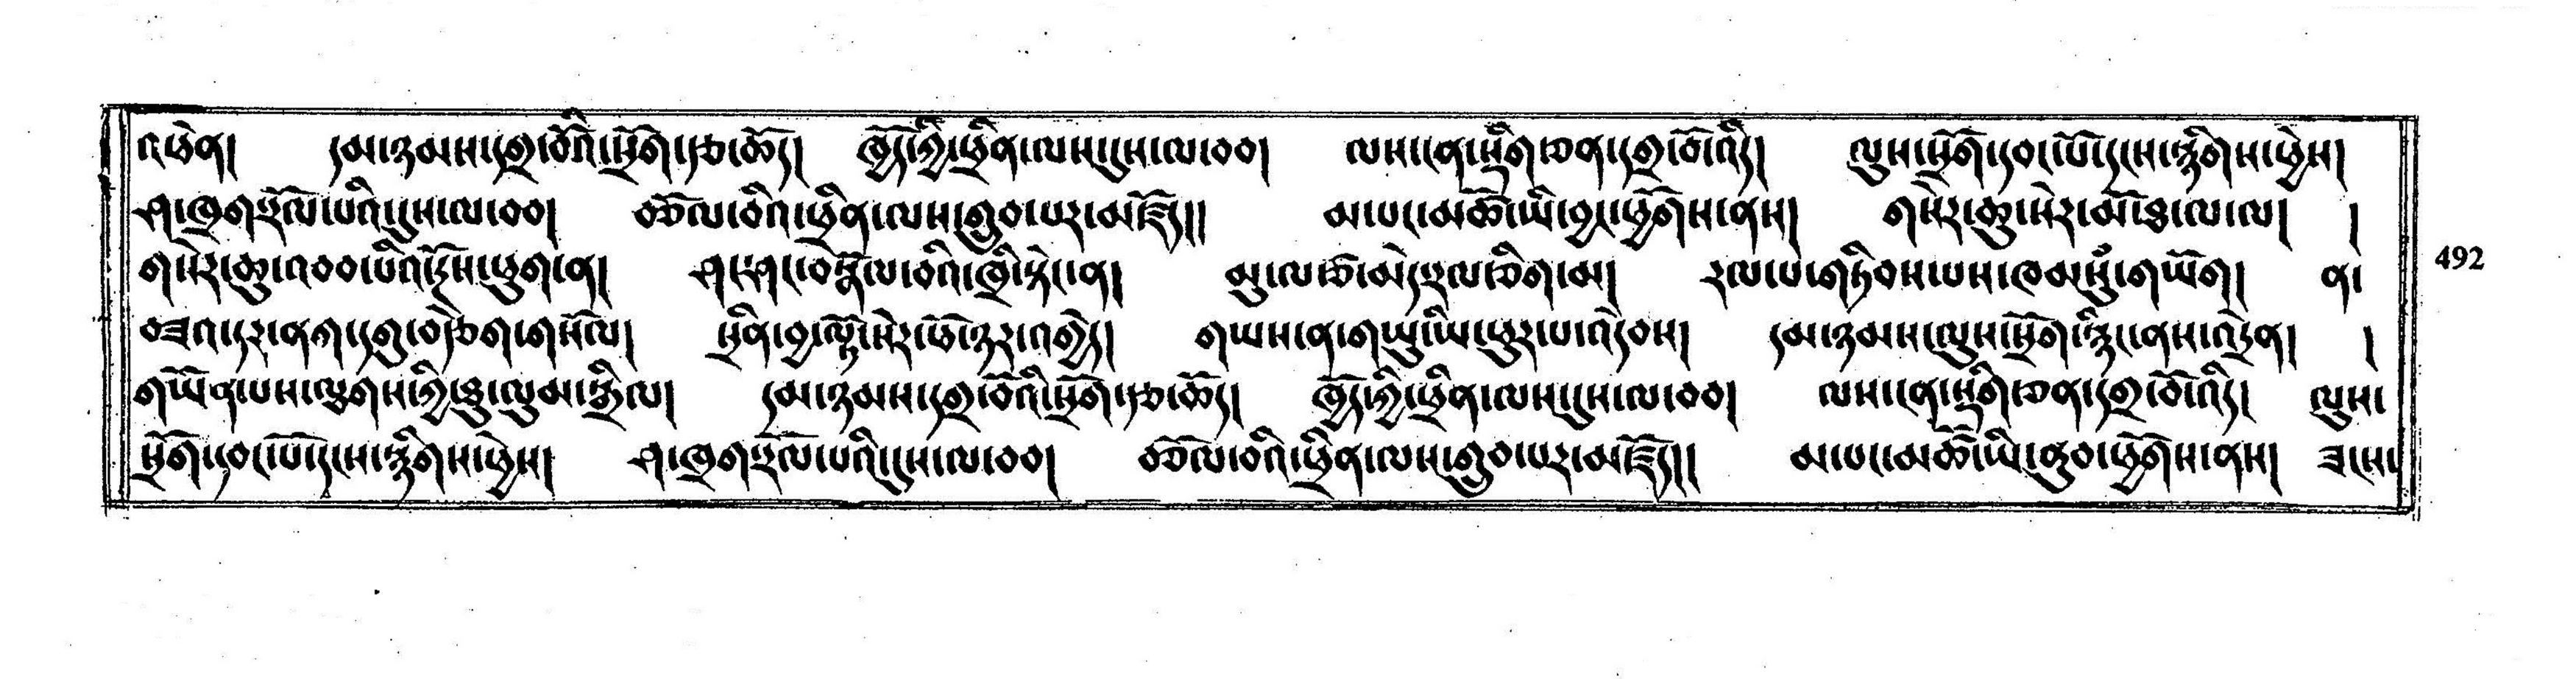འཕེན། དམ་ཉམས་དགྲ་བོའི་སྲོག་རྩ་ཆོད། ཁྱོད་ཀྱི་ཕྲིན་ལས་དུས་ལ་བབ། ལས་ངན་སྡིག་ཅན་དགྲ་བོ་འདི། ལུས་སྲོག་དབང་པོ་དངས་སྙིགས་ཕྱེས། 
ཤ་ཁྲག་རོལ་པའི་དུས་ལ་བབ། བཅོལ་པའི་ཕྲིན་ལས་གྲུབ་པར་མཛོད། མ་པང་མཚོ་ཡི་བྱང་ཕྱོགས་ནས། གསེར་ཆུ་སེར་མོ་ཐ་ལ་ལ། 
གསེར་ཆུ་འབབ་པའི་རྔོས་ཕུག་ན། ཤང་ཤང་བསྣོལ་བའི་ཁྲི་སྟེང་ན། མུ་ལ་ཙ་མེད་རལ་ཅིག་མ། རལ་པ་གཏིབས་པས་ཁམས་གསུམ་གཡོག ན་
བཟའ་དར་ནག་དགུ་བརྩེག་གསོལ། སྲིན་བྱ་ལྟོ་སེར་ཕོ་ཉར་འགྱེད། {506}གཡས་ན་གཡུ་ཡི་ཕུར་པ་འདེབས། དམ་ཉམས་ལུས་སྲོག་སྙིང་ནས་འདྲེན། 
གཡོན་པས་ལྕགས་ཀྱི་ཐུ་ལུམ་སྒྲིལ། དམ་ཉམས་དགྲ་བོའི་སྲོག་རྩ་ཆོད། ཁྱོད་ཀྱི་ཕྲིན་ལས་དུས་ལ་བབ། ལས་ངན་སྡིག་ཅན་དགྲ་བོ་འདི། ལུས་
སྲོག་དབང་པོ་དངས་སྙིགས་ཕྱེས། ཤ་ཁྲག་རོལ་པའི་དུས་ལ་བབ། བཅོལ་པའི་ཕྲིན་ལས་གྲུབ་པར་མཛོད། མ་པང་མཚོ་ཡི་ནུབ་ཕྱོགས་ནས། ཟངས་